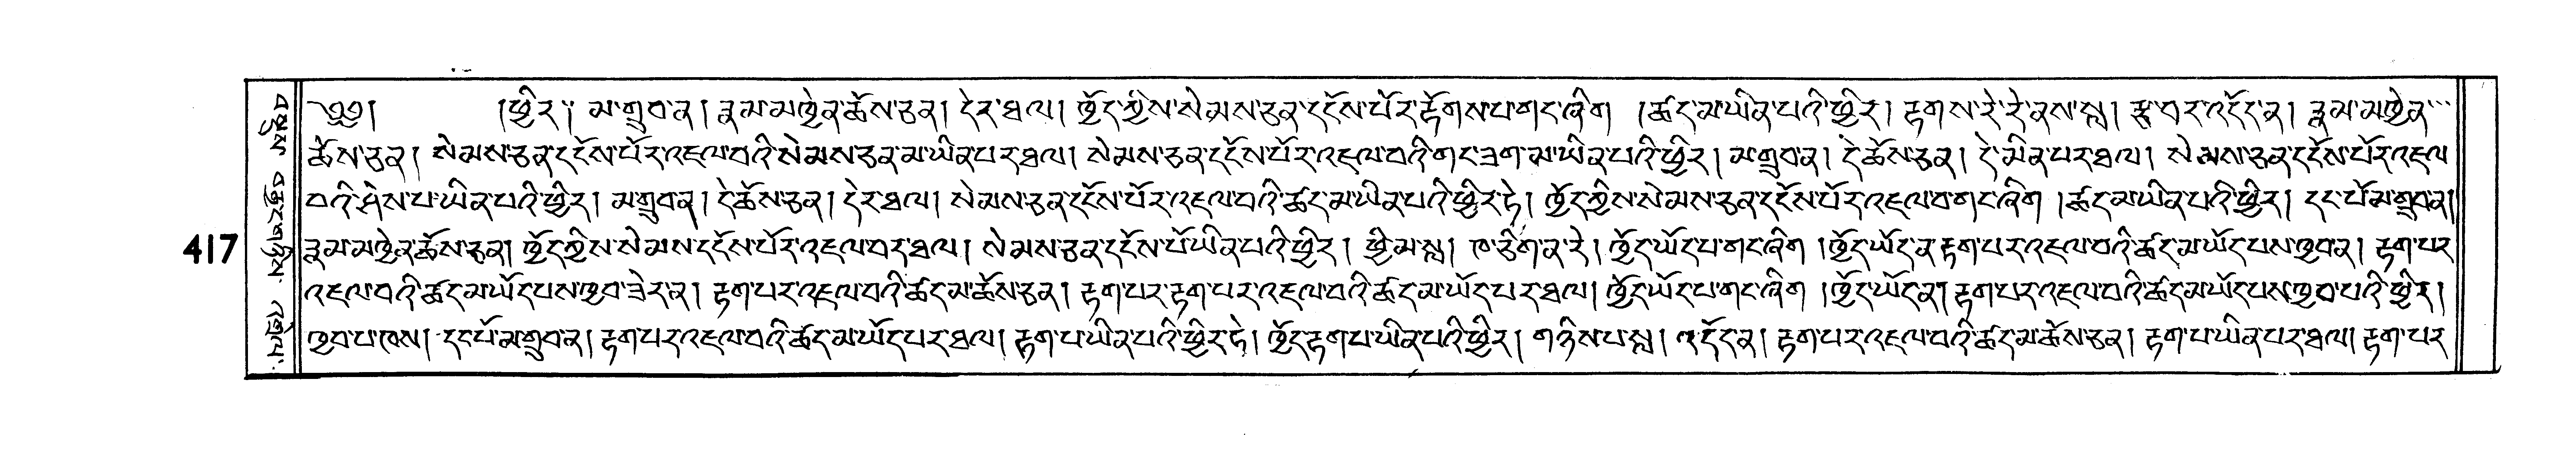༄༅། །ཕྱིར༑ མ་གྲུབ་ན། རྣམ་མཁྱེན་ཆོས་ཅན། དེར་ཐལ། ཁྱོད་ཀྱིས་སེམས་ཅན་དངོས་པོར་རྟོགས་པ་གང་ཞིག །ཚད་མ་ཡིན་པའི་ཕྱིར། རྟགས་རེ་རེ་ནས་སླ། རྩ་བར་འདོད་ན། རྣམ་མཁྱེན་
ཆོས་ཅན། སེམས་ཅན་དངོས་པོར་འཇལ་བའི་སེམས་ཅན་མ་ཡིན་པར་ཐལ། སེམས་ཅན་དངོས་པོར་འཇལ་བའི་གང་ཞག་མ་ཡིན་པའི་ཕྱིར། མ་གྲུབ་ན། དེ་ཆོས་ཅན། དེ་མིན་པའི་ཐལ། སེམས་ཅན་དངོས་པོར་འཇལ་
བའི་ཤེས་པ་ཡིན་པའི་ཕྱིར། མ་གྲུབ་ན། དེ་ཆོས་ཅན། དེར་ཐལ། སེམས་ཅན་དངོས་པོ་ཡིན་པའི་ཕྱིར། ཕྱི་མ་སླ། ཁ་ཅིག་ན་རེ། ཁྱོད་ཡོད་པ་གང་ཞིག །ཁྱོད་ཡོད་ན་རྟག་པར་འཇལ་བའི་ཚད་མ་ཡོད་པས་ཁྱབ་ན། རྟག་པར་
རྣམ་མཁྱེན་ཆོས་ཅན། ཁྱོད་ཀྱིས་སེམས་དངོས་པོར་འཇལ་བར་ཐལ། སེམས་ཅན་དངོས་པོ་ཡིན་པའི་ཕྱིར། ཕྱི་མ་སླ། ཁ་ཅིག་ན་རེ། ཁྱོད་ཡོད་པ་གན་ཞིག །ཁྱོད་ཡོད་ན་རྟག་པར་འཇལ་བའི་ཚད་མ་ཡོད་པས་ཁྱབ་ན། རྟག་པར་
འཇལ་བའི་ཚད་མ་ཡོད་པས་ཁྱབ་ཟེར་ན། རྟག་པར་འཇལ་པའི་ཚད་མ་ཆོས་ཅན། རྟག་པར་རྟག་པར་འཇལ་བའི་ཚད་མ་ཡོད་པར་ཐལ། ཁྱོད་ཡོང་པ་གང་ཞིག །ཁྱོད་ཡོད་ན། རག་པར་འཇལ་བའི་ཚད་མ་ཡོད་པས་ཁྱབ་པའི་ཕྱིར།
ཁྱབ་པ་ཁས། དང་པོ་མ་གྲུབ་ན། རྟག་པར་འཇལ་བའི་ཚད་མ་ཡོད་པར་ཐལ། རྟག་པ་ཡིན་པའི་ཕྱིར་ཏེ། ཁྱོད་རྟག་པ་ཡིན་པའི་ཕྱིར། གཉིས་པ་སླ། འདོད་ན། རྟག་པར་འཇལ་བའི་ཚད་མ་ཆོས་ཅན། རྟག་པ་ཡིན་པའི་ཐལ། རྟག་པར་